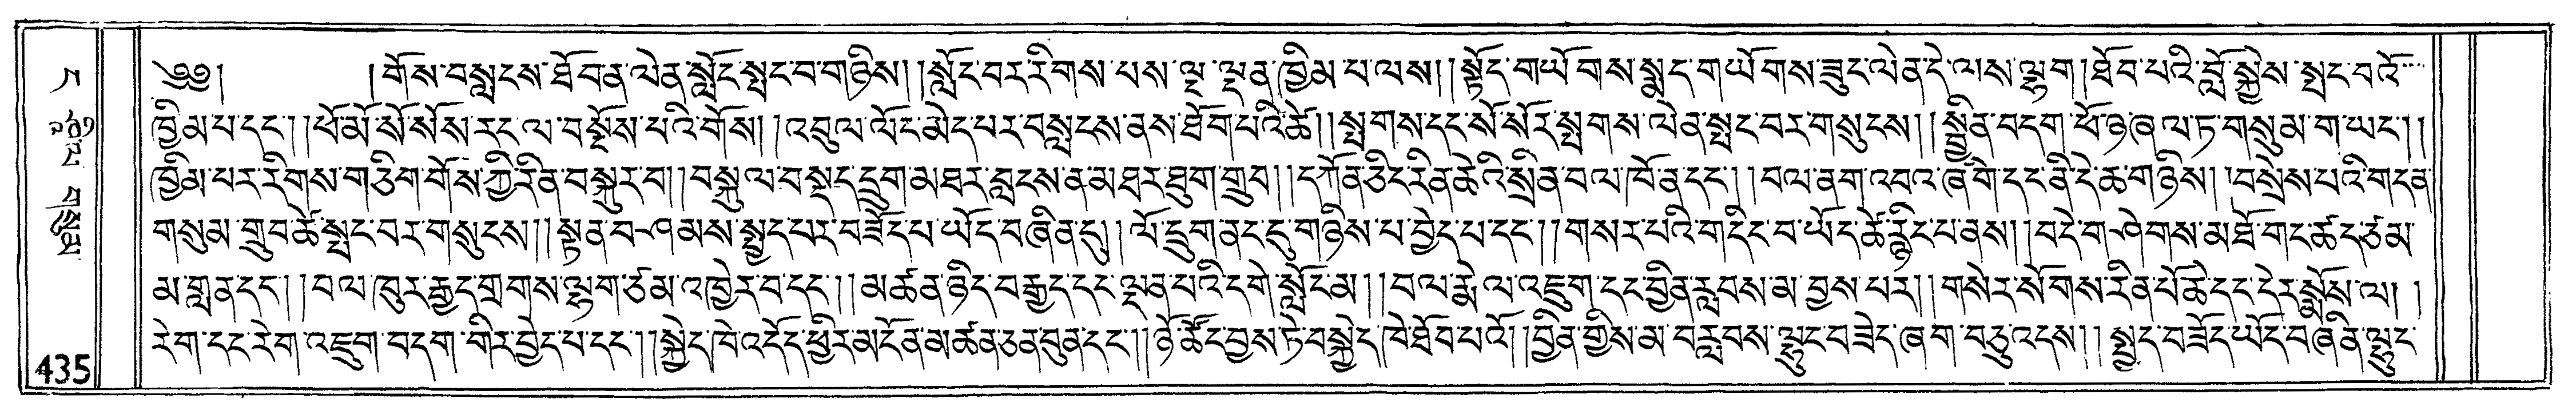༄༅། །གོས་བསླངས་ཐོབ་ན་ལེན་སློང་སྤང་བ་གཉིས། །སློང་བར་རིགས་པས་ལྔ་ལྡན་ཁྱིམ་པ་ལས། །སྟོད་གཡོགས་སྨད་གཡོགས་ཟུང་ལེན་དེ་ལས་ལྷག །ཐོབ་པའི་བློ་སྐྱེས་སྤང་བའོ་
ཁྱིམ་པ་དང་། །ཕོ་མོ་སོ་སོས་རང་ལ་བསྔོས་པའི་གོས། །འབུལ་ལོང་མེད་པར་བསླངས་ནས་ཐོག་པའི་ཚེ། །སྤགས་དང་སོ་སོར་སྤགས་ལེན་སྤང་བར་གསུངས། །སྦྱིན་བདག་ཕོ་ཉ་ཞལ་ཏ་གསུམ་ག་ཡང་། །
ཁྱིམ་པར་རིགས་གཅིག་གོས་ཀྱི་རིན་བསྐུར་བ། །བསྐུལ་བསྡད་དྲུག་མཐར་བླངས་ན་མཐར་ཐུག་གྲུབ། །དཀོན་ཅིང་རིན་ཆེའི་སྲིན་བལ་ཁོ་ན་དང་། །བལ་ནག་འབའ་ཞིག་དང་ནི་དེ་ཆ་གཉིས། །བསྲེས་པའི་གདན་
གསུམ་གྲུབ་ཚེ་སྤང་བར་གསུངས། །སྟན་བཤམས་སྤྱད་པར་བཟོད་པ་ཡོད་བཞིན་དུ། །ལོ་དྲུག་ནང་དུ་གཉིས་པ་བྱེད་པ་དང་། །གསར་པའི་གདིང་བ་ཡོད་ཚེ་རྙིང་པ་ནས། །བདེ་གཤེགས་མཐོ་གང་ཚད་ཙམ་
མ་གླན་དང་། །བལ་ཁུར་རྒྱད་གྲགས་ལྷག་ཙམ་འཁྱེར་བ་དང་། །མཚན་ཉིད་བརྒྱད་དང་ལྡན་པའི་དགེ་སློང་མ། །བལ་རྨེལ་འཇུག་དང་བྱིན་རླབས་མ་བྱས་པར། །གསེར་སོགས་རིན་པོ་ཆེ་དང་དེར་སྨོས་ལ། །
རེག་དང་རེག་འཇུག་བདག་གིར་བྱེད་པ་དང་། །སྐྱེད་ཁེ་འདོད་ཕྱིར་མངོན་མཚན་ཅན་བུན་དང་། །ཉོ་ཚོང་བྱས་ཏེ་བསྐྱེད་ཁེ་ཐོབ་པའོ། །བྱིན་གྱིས་མ་བརླབས་ལྷུང་བཟེད་ཞག་བཅུ་འདས། །སྤྱད་བཟོད་ཡོད་བཞིན་ལྷུང་